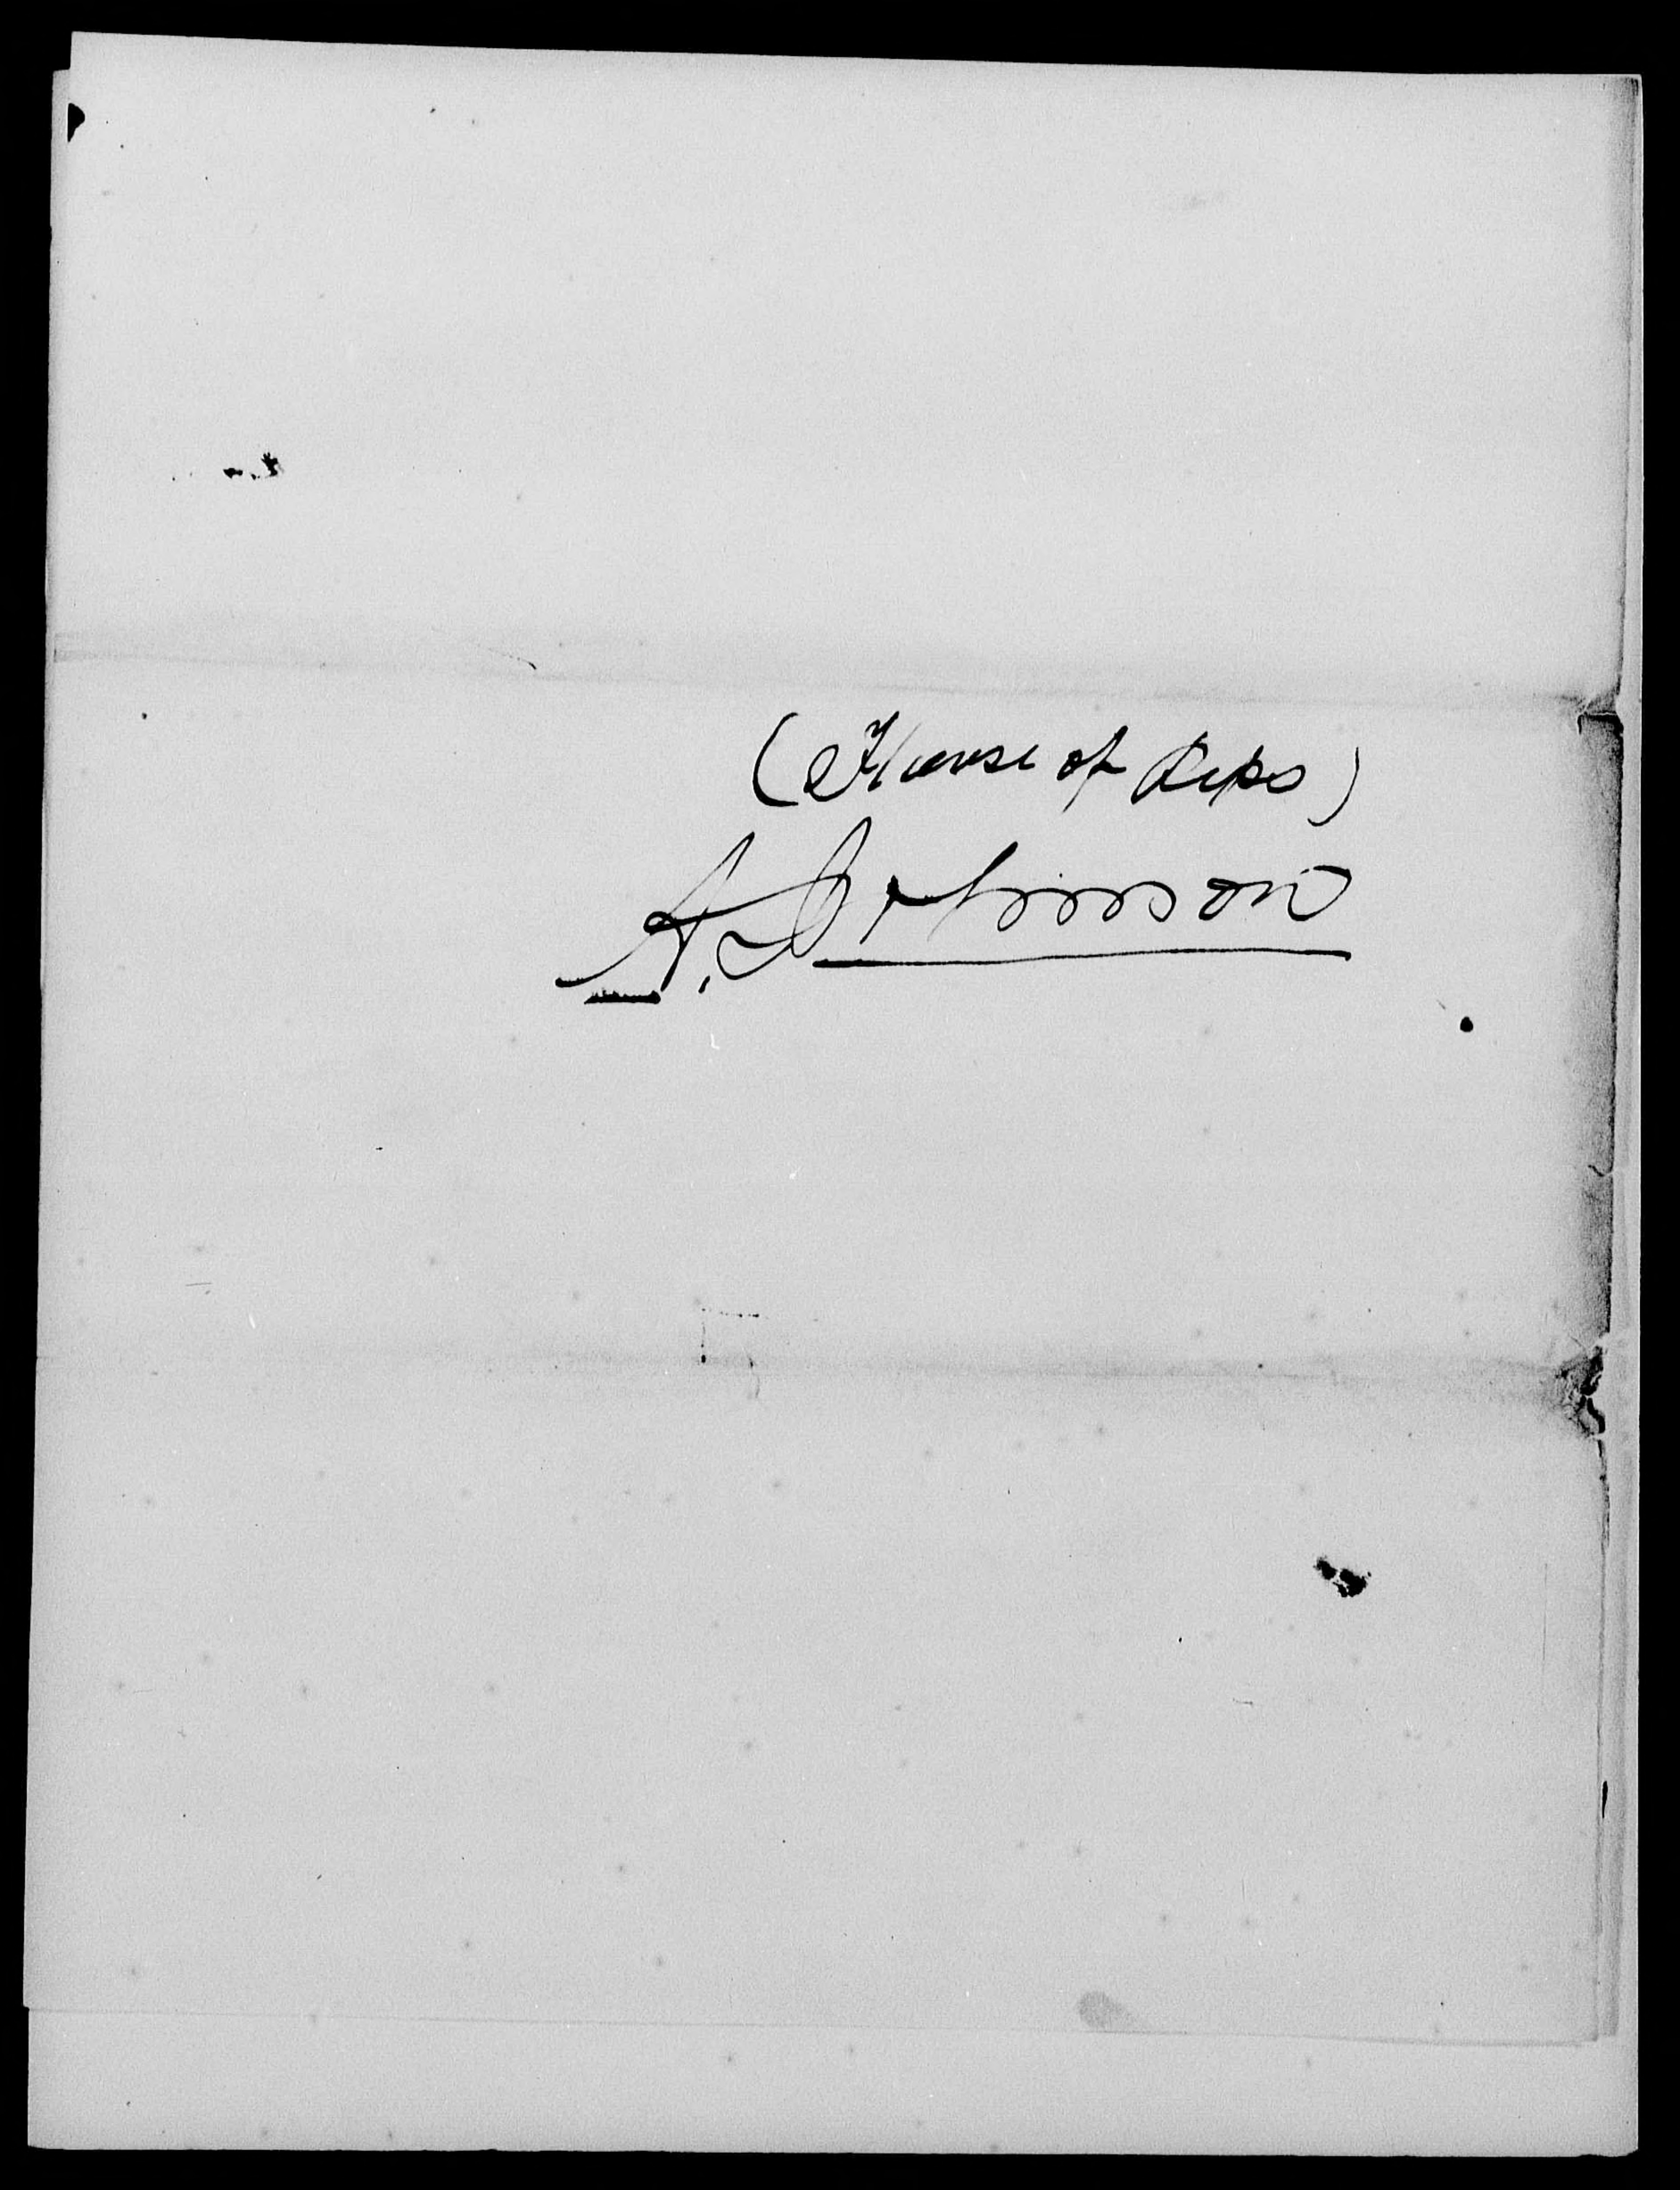(House of Reps) 
[The name "A. Johnson" is underlined.]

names: A Johnson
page: 44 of 50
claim: widow's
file: W. 898, William Bugg, N.C.